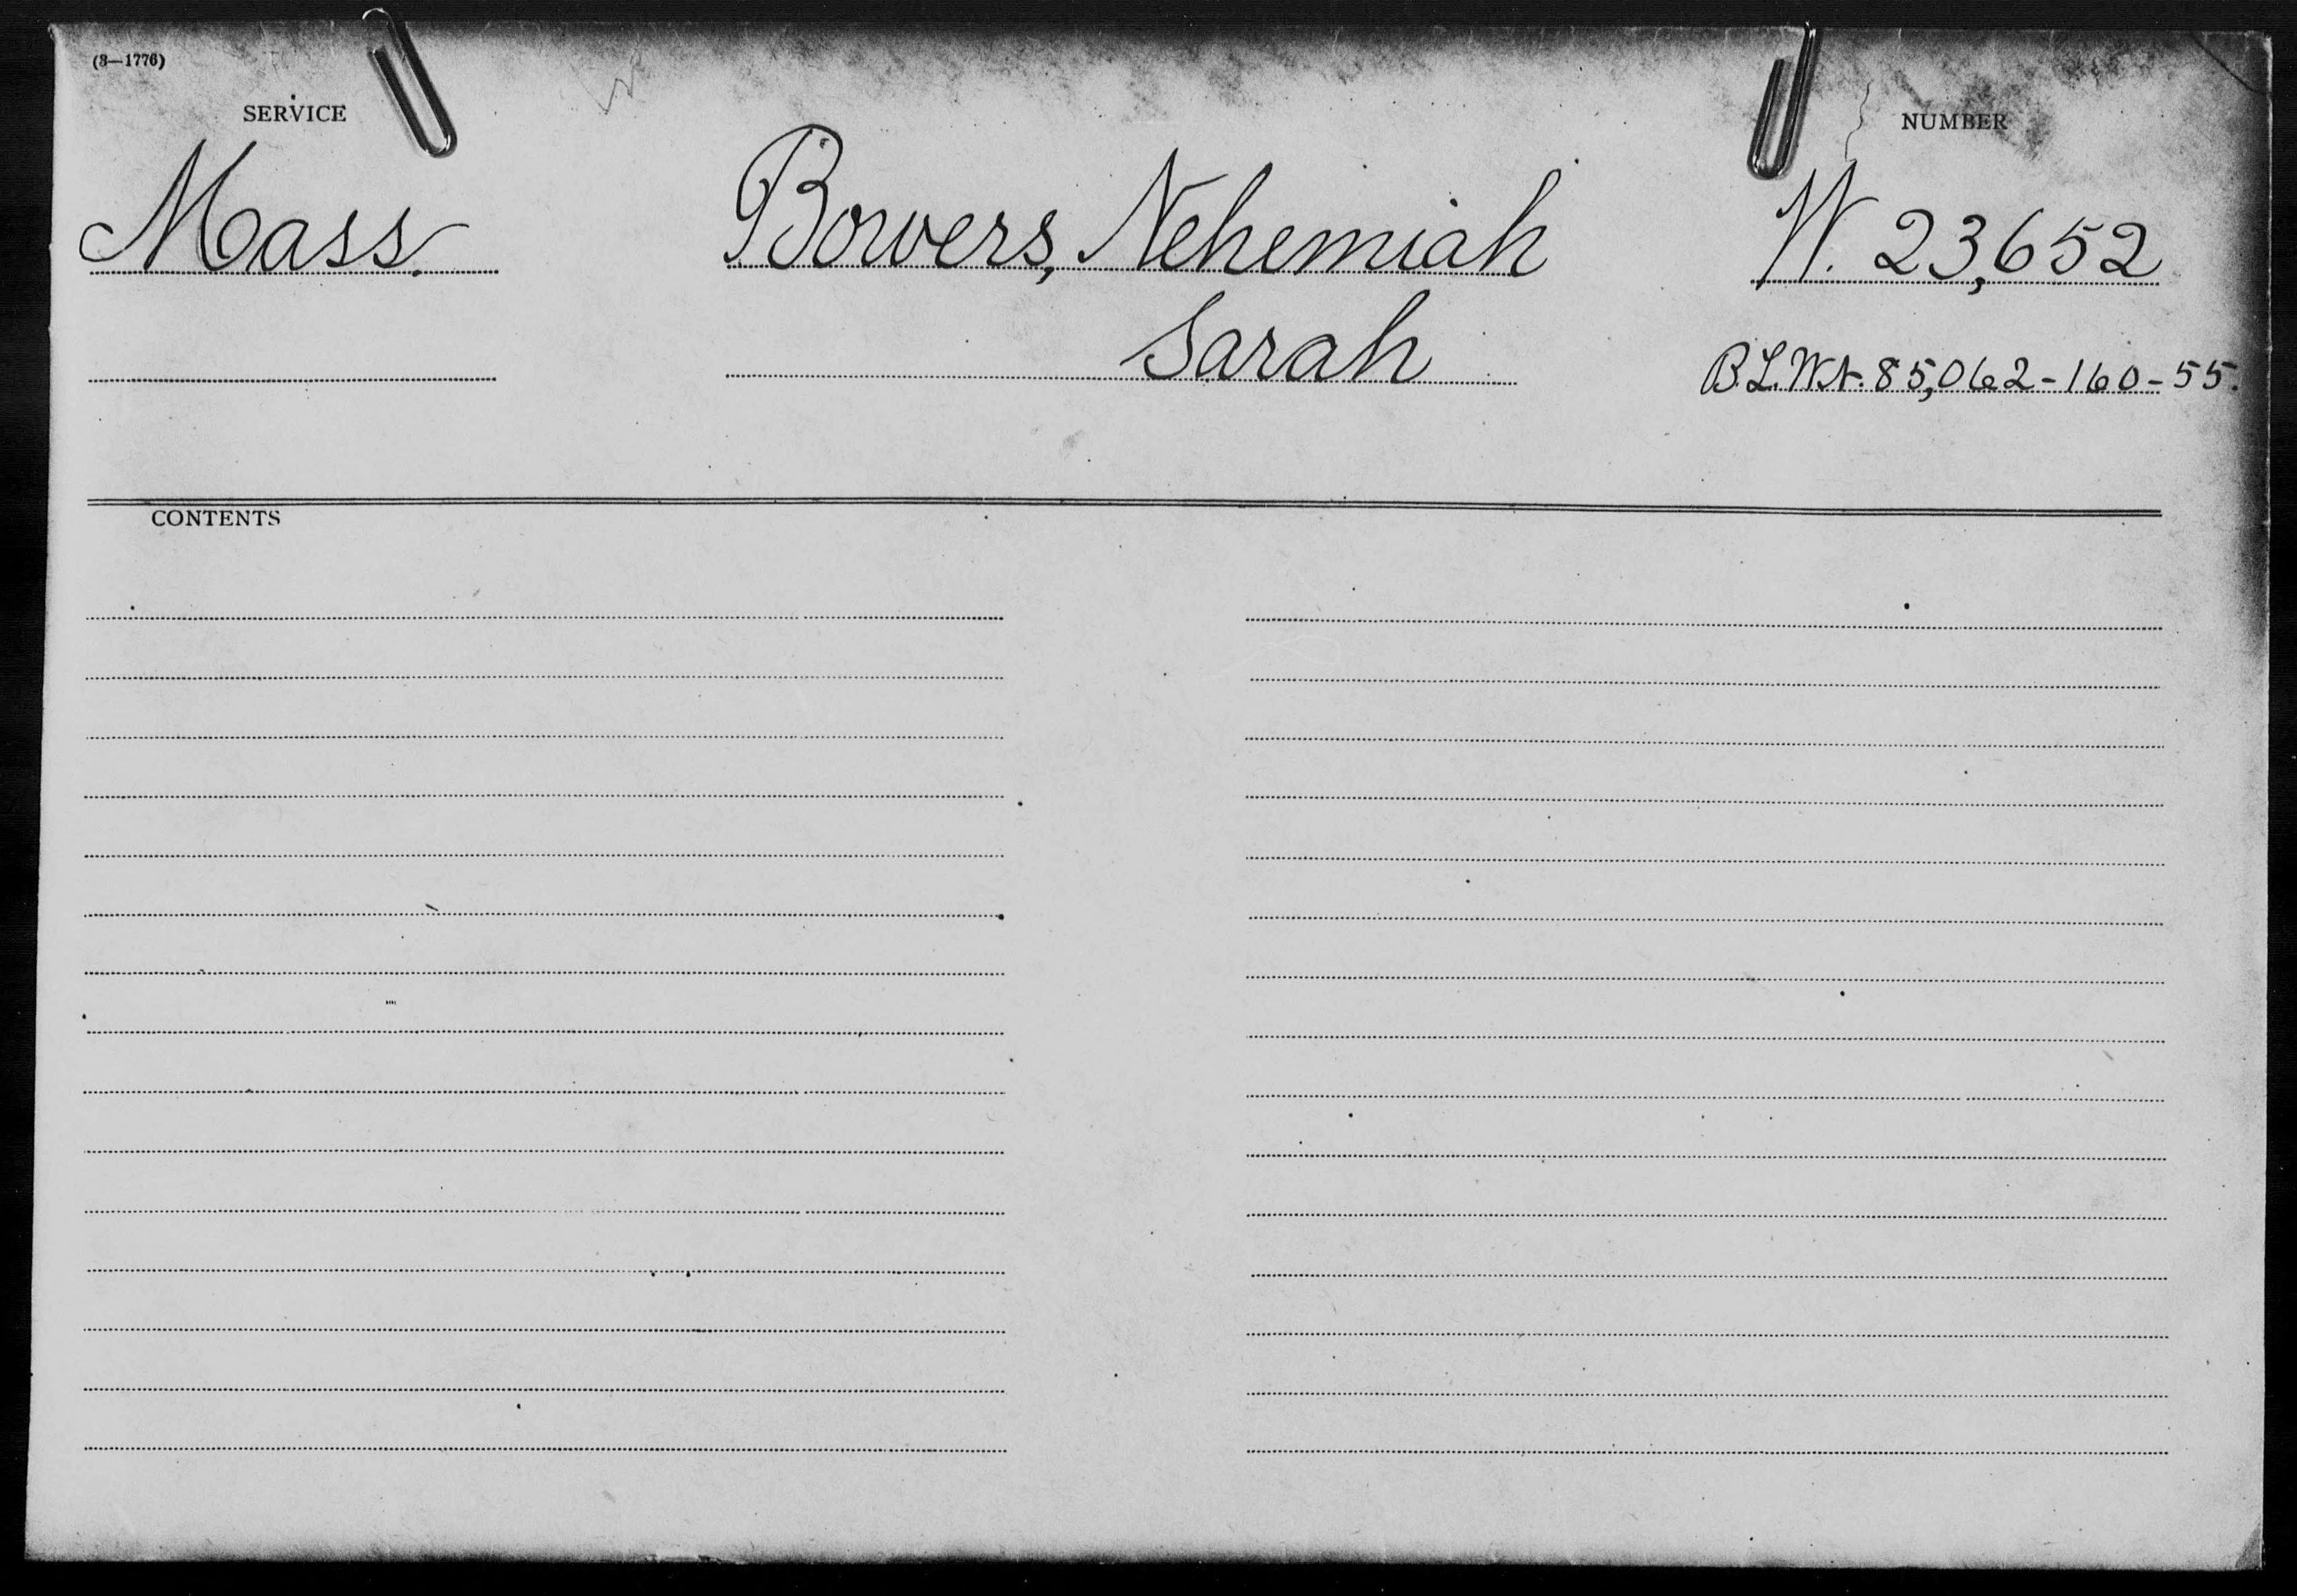(8-1776)

SERVICE
Mass.

Bowers, Nehemiah
              Sarah

NUMBER
W.23,652
B.L.Wt.85,062-160-55

CONTENTS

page: 1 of 42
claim: widow's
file: W. 23,652, Nehemiah Bowers, Mass.